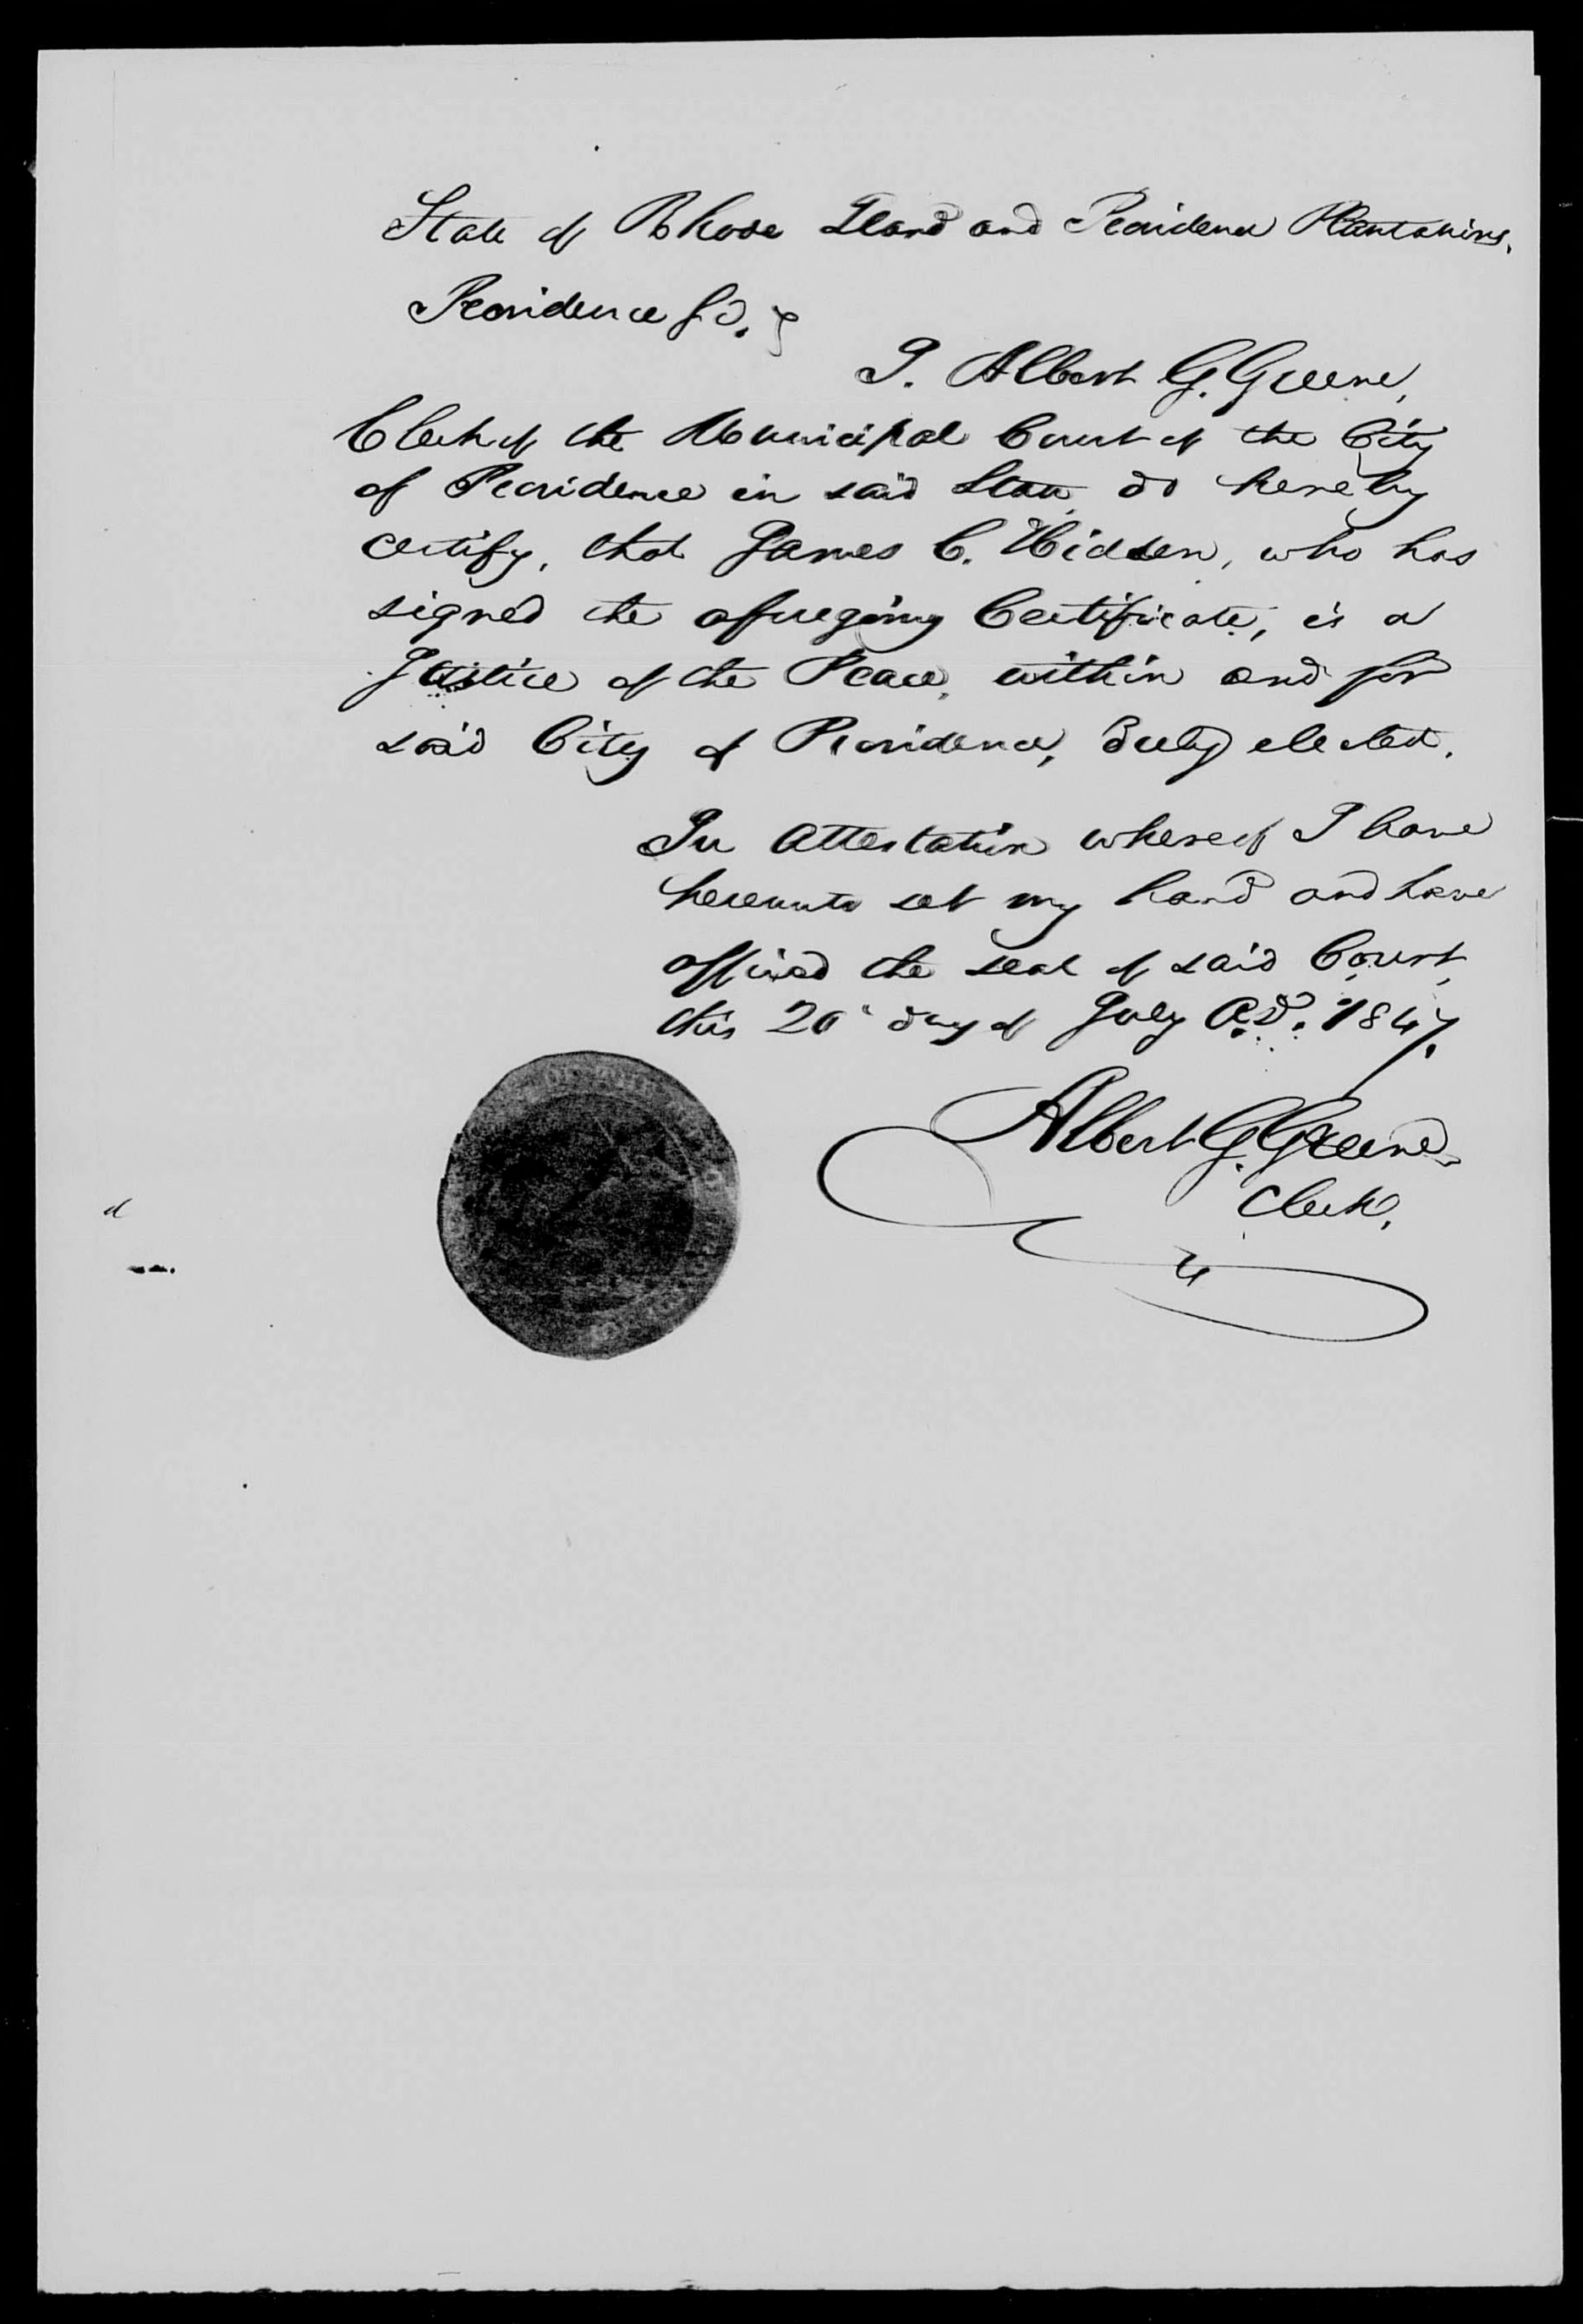State of Rhode Island and Providence Plantations,
Providence Ss

I Albert G. Greene,
Clerk of the Municipal Court of the City of
Providence in said State, do hereby
certify that James C. Hidden, who has
signed the aforegoing Certificate, is a
Justice of the Peace, within and for
said City of Providence, duly elected.

In attestation whereof I have
hereunto set my hand and have
affixed the seal of said Court
this 20th day July A.D. 1847
Albert G. Greene
Clerk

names: Albert G Greene, James C Hidden, Albert G Greene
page: 5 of 31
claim: widow's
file: W 21004, Samuel Drown, R.I.